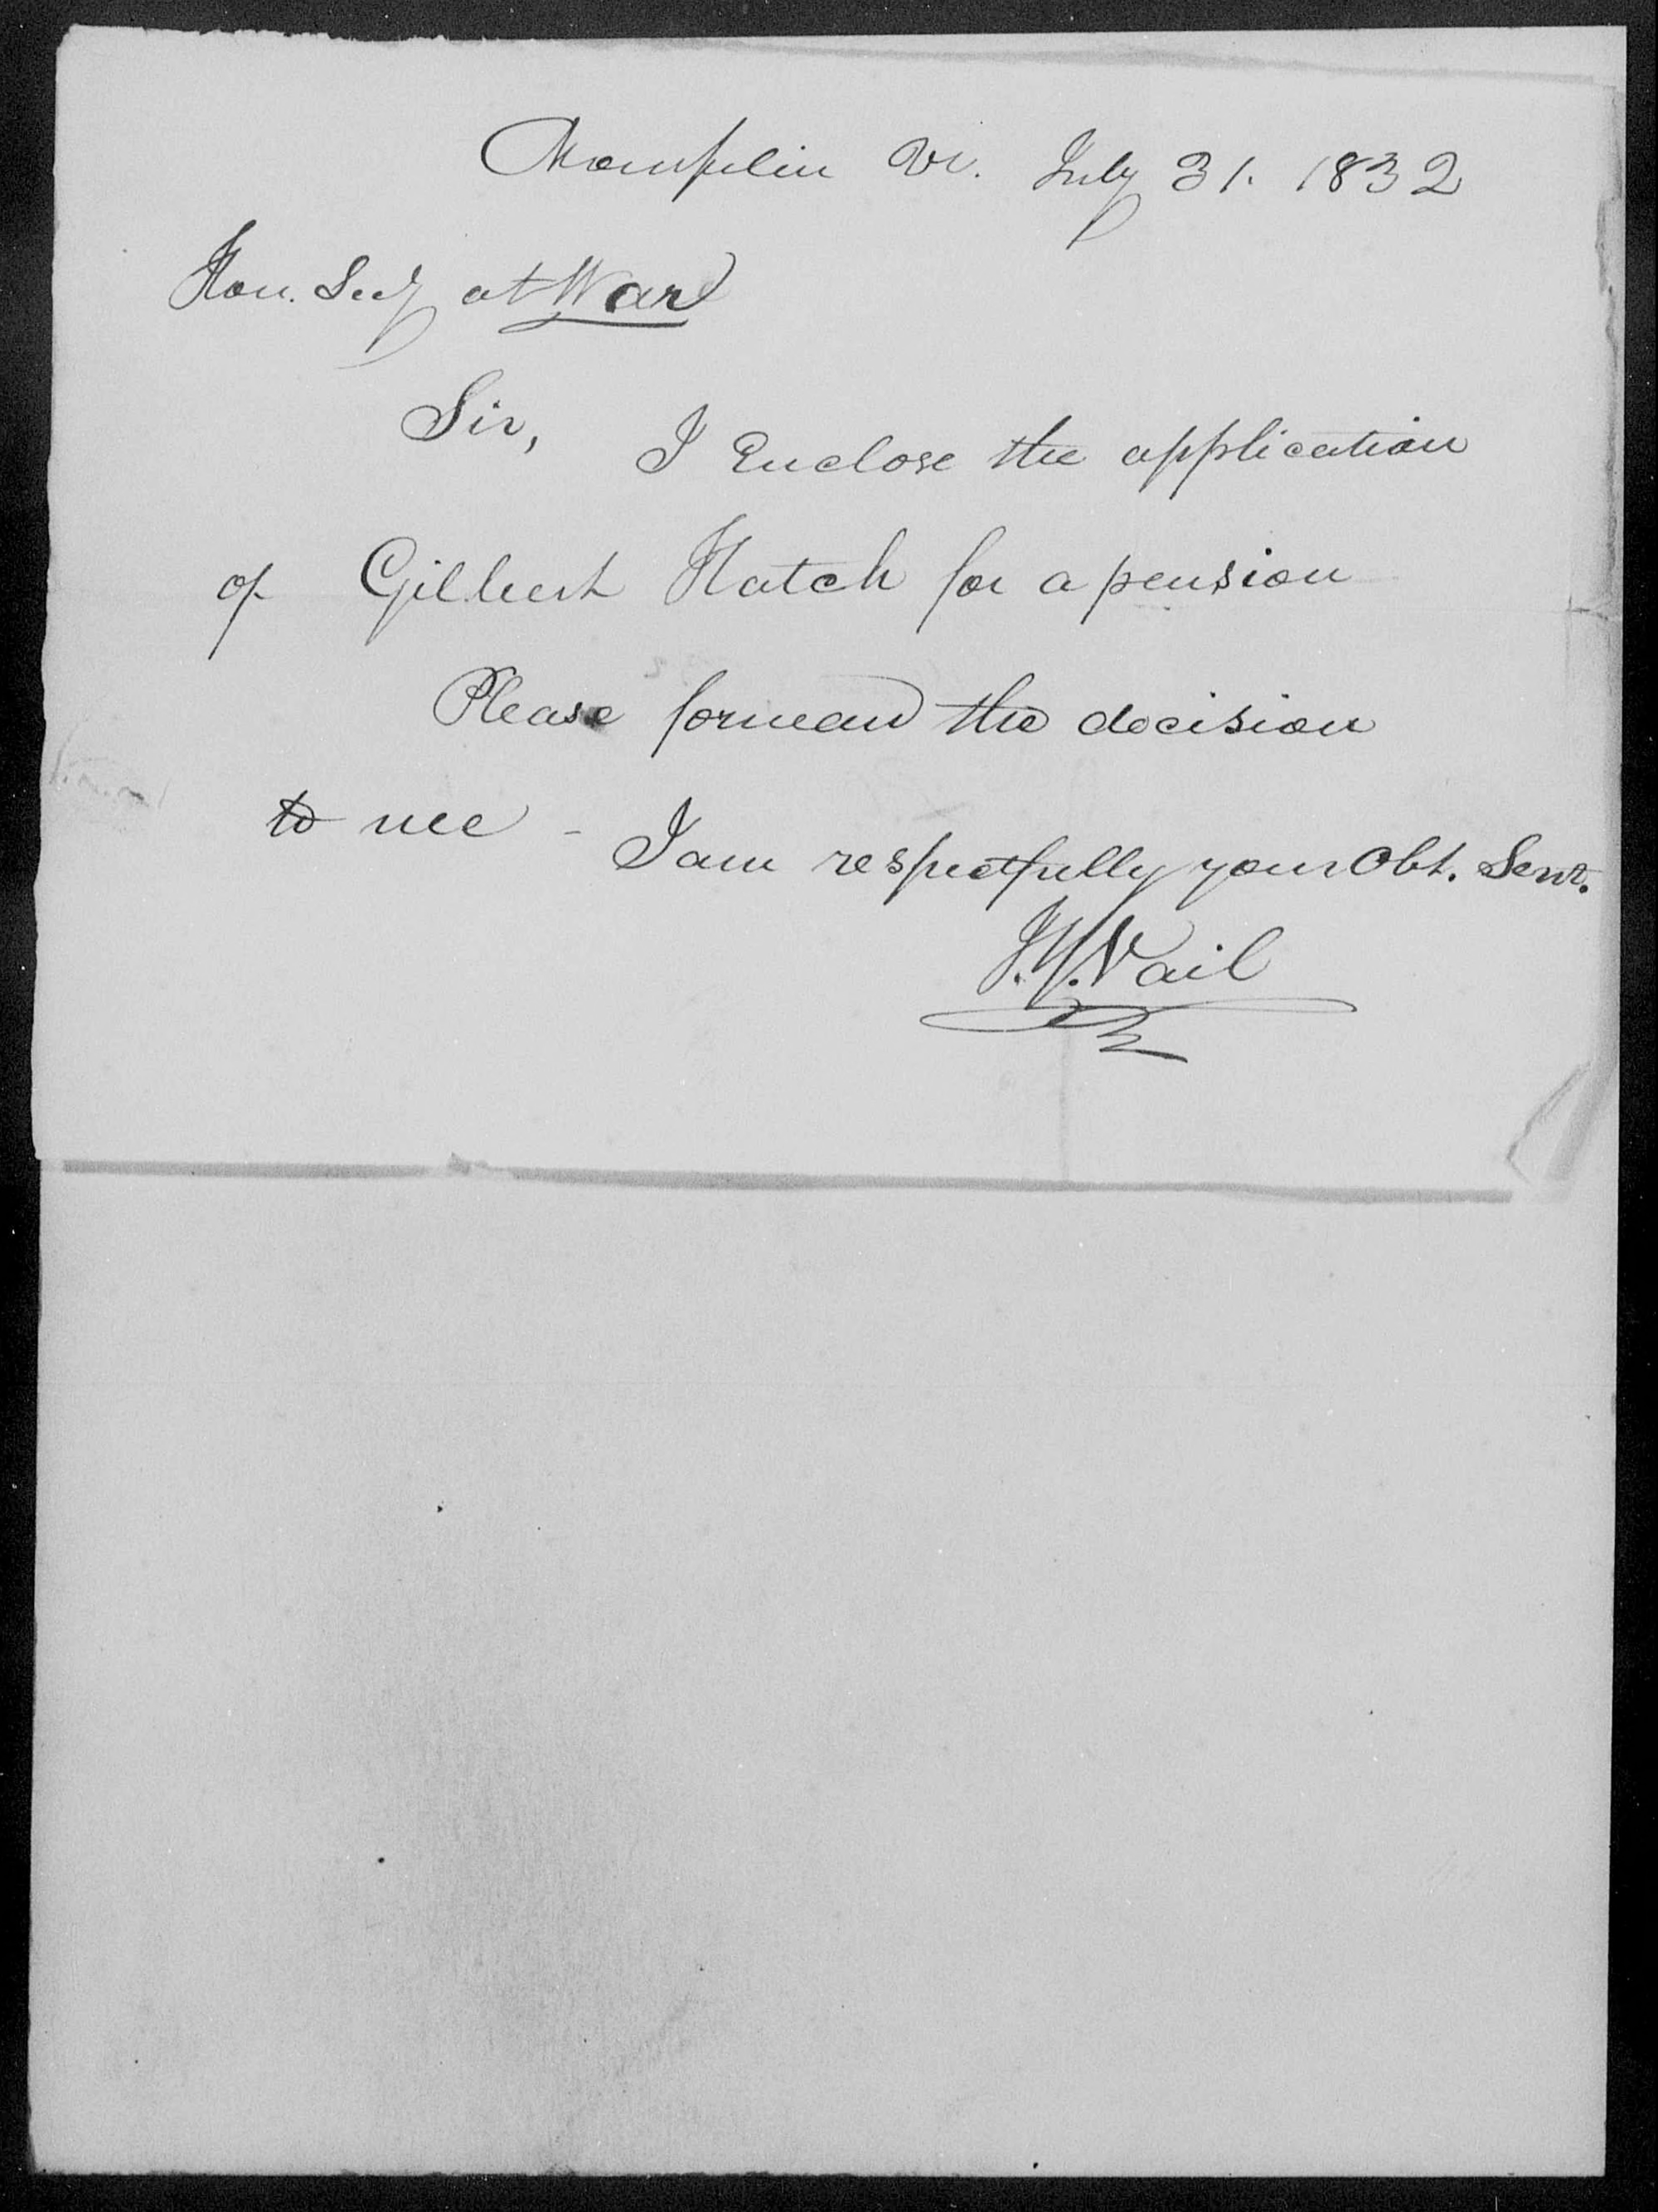Montpelier Vt. July 31. 1832

Hon. Secy at War

Sir,
I enclose the application
of Gilbert Hatch for a pension

Please forward the decision
to me -

I am respectfully your Obt. Sert.
J. Y. Vail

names: J Y Vail, Gilbert Hatch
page: 18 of 47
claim: widow's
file: W. 225, Gilbert Hatch, Conn.